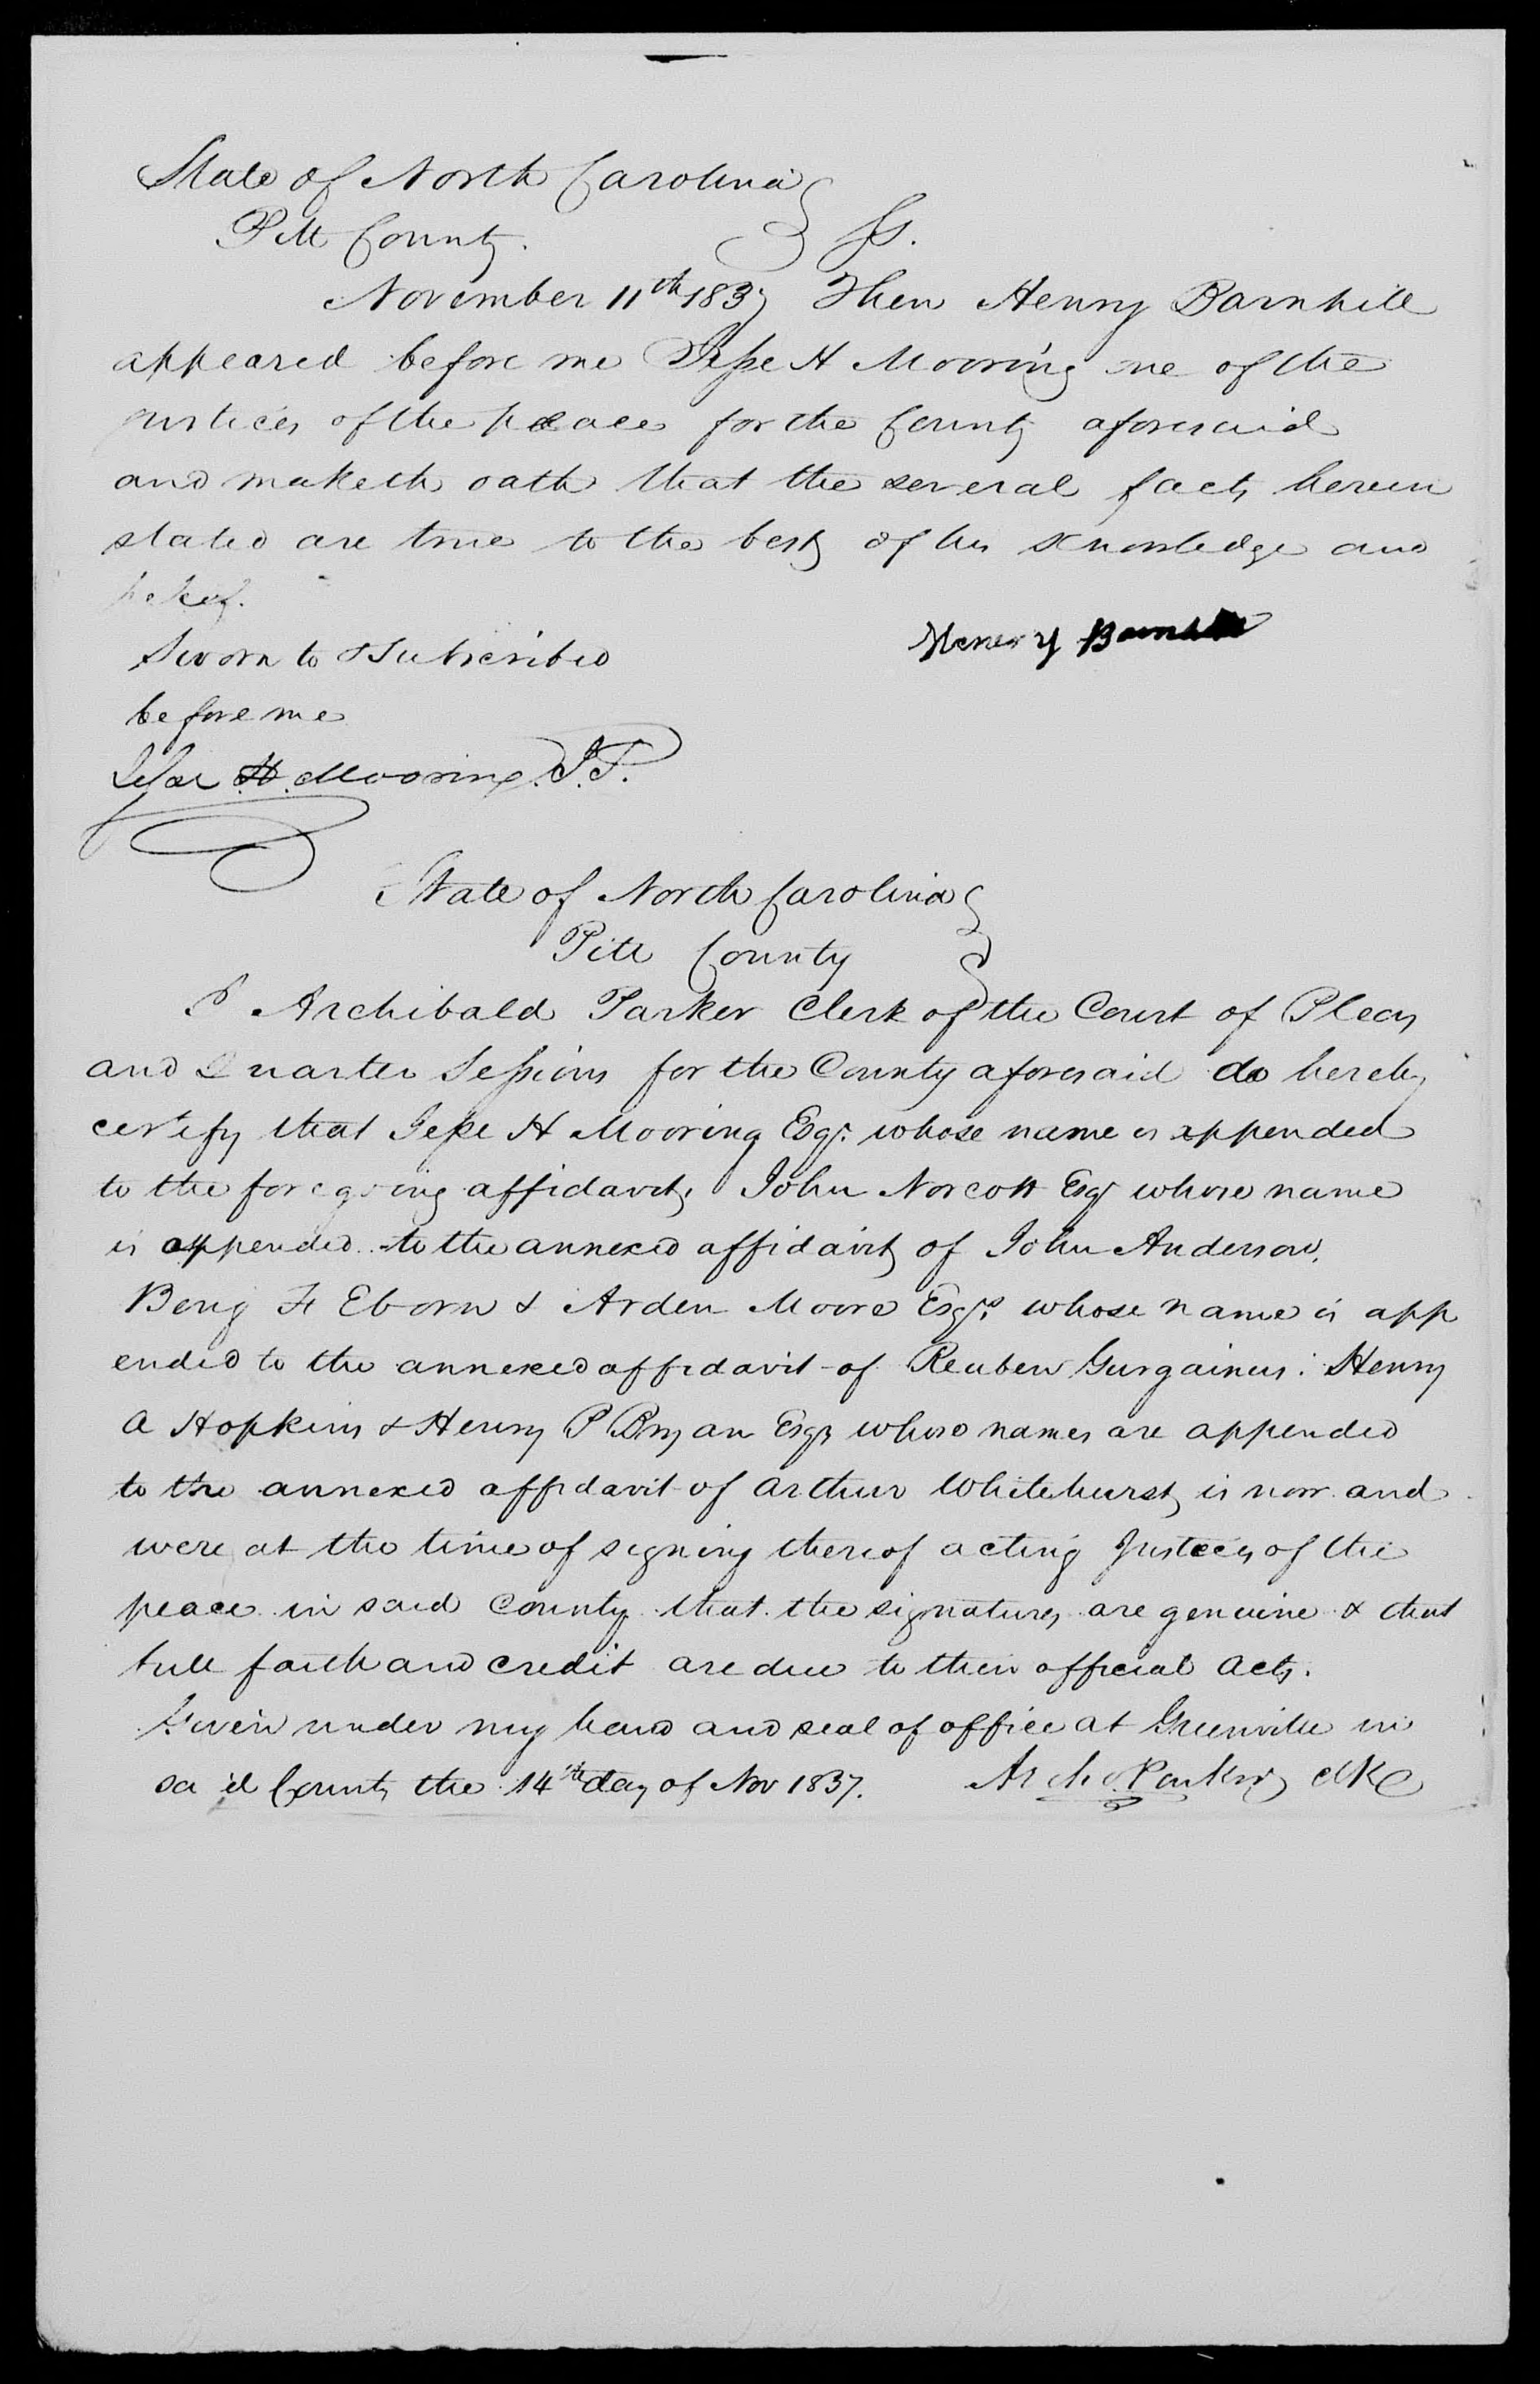State of North Carolina }
Pitt County. } ss.
November 11th 1837 Then Henry Barnhill appeared before me Jesse H Mooring one of the Justices of the peace for the County aforesaid and maketh oath that the several facts herein stated are true to the best of his knowledge and [illeiglbe]
S/Henry Barnhill
Sworn to & Subscribed before me 
S/Jesse H. Mooring. J.P.


State of North Carolina }
Pitt County }
I Archibald Parker Clerk of the Court of Pleas and Quarter Sessions for the county aforesaid do hereby certify that Jesse H Mooring Esq. whose name is appended to the foregoing affidavit. John Norcott Esq whose name is appended to the annexed affidavit of the John Anderson. Benj F Eborn & Arden Moore Esqrs. whose name is appended to the annexed affidavit of Reuben Gurgainus: Henry A Hopkins & Henry P Bryan Esqr whose names are appended to the annexed affidavit of Arthur Whitehurst, is now and were at the time of signing thereof acting Justices of the peace in said county that the signatures are genuine & that full faith and credit are due to their official acts.

Given under my hand and seal of office at Greenville in said County the 14th day of Nov 1837.
S/Arch Parker Clk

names: Reuben Gurgainus, Henry A Hopkins, Arden Moore, John Anderson, Archibald Parker, Archo Parker, Jesse H Mooring, Benj F Eborn, Henery Barnhill, Jesse H Mooring, Henry P Bryan, John Norcott, Henry Barnhill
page: 8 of 42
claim: survivor's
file: S. 6579, Henry Barnhill, N. C.